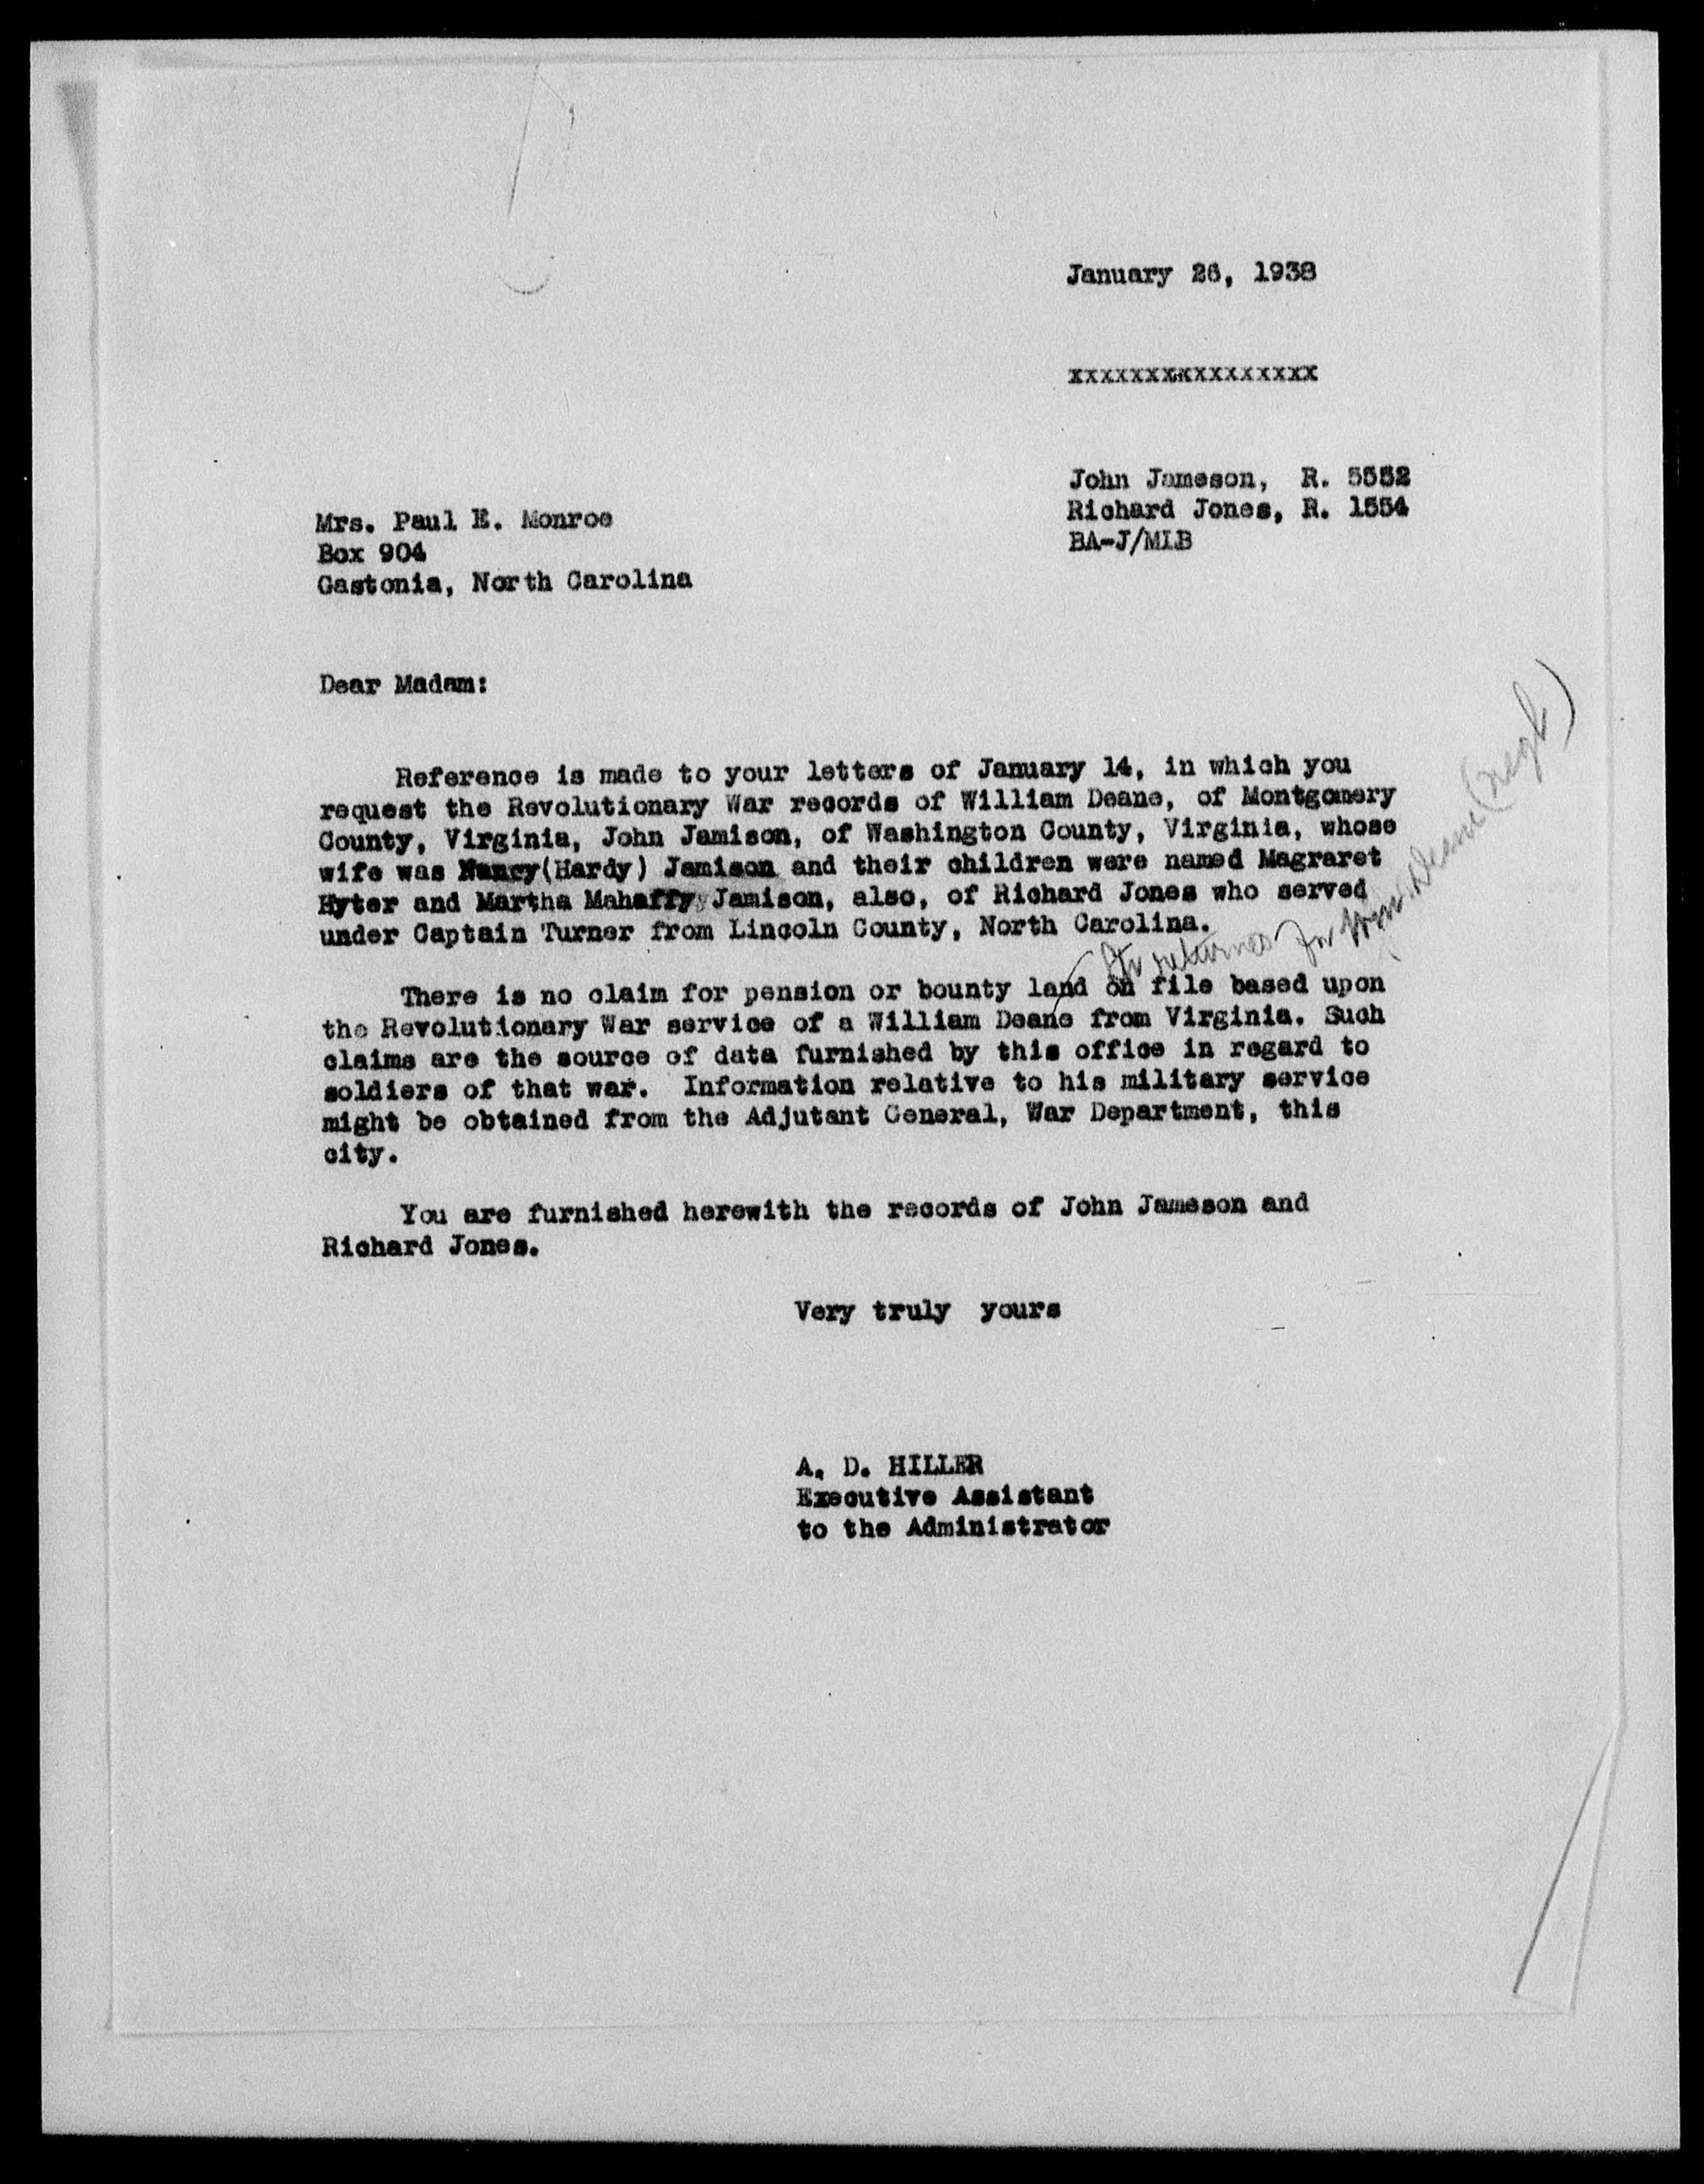January 26, 1938

XXXXXXXXXXXXXXXXXXXXXX

John Jameson, R. 5552
Richard Jones, R. 1554
BA-J/MLB

Mrs. Paul E. Monroe
Box 904
Gastonia, North Carolina

Dear Madam:

Reference is made to your letters of January 14, in which you 
request the Revolutionary War records of William Deane, of Montgomery
County, Virginia, John Jamison, of Washington County, Virginia, whose
wife was Nancy (Hardy) Jamison and their children were named Magraret
Hyter and Martha Mahaffy Jamison, also, of Richard Jones who served
under Captain Turner from Lincoln County, North Carolina.

There is no claim for pension or bounty land on file based upon 
the Revolutionary War service of a William Deane from Virginia.  Such
claims are the source of data furnished by this office in regard to 
soldiers of that war.  Information relative to his military service
might be obtained from the Adjutant General, War Department, this 
city.  

You are furnished herewith the records of John Jameson and 
Richard Jones.

Very truly yours

A. D. HILLER
Executive Assistant
to the Administrator


[handwritten note on right margin]
Ltr returned for Wm Deane (negl)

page: 33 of 33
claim: rejected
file: R. 1554, for Richard Jones, North Carolina